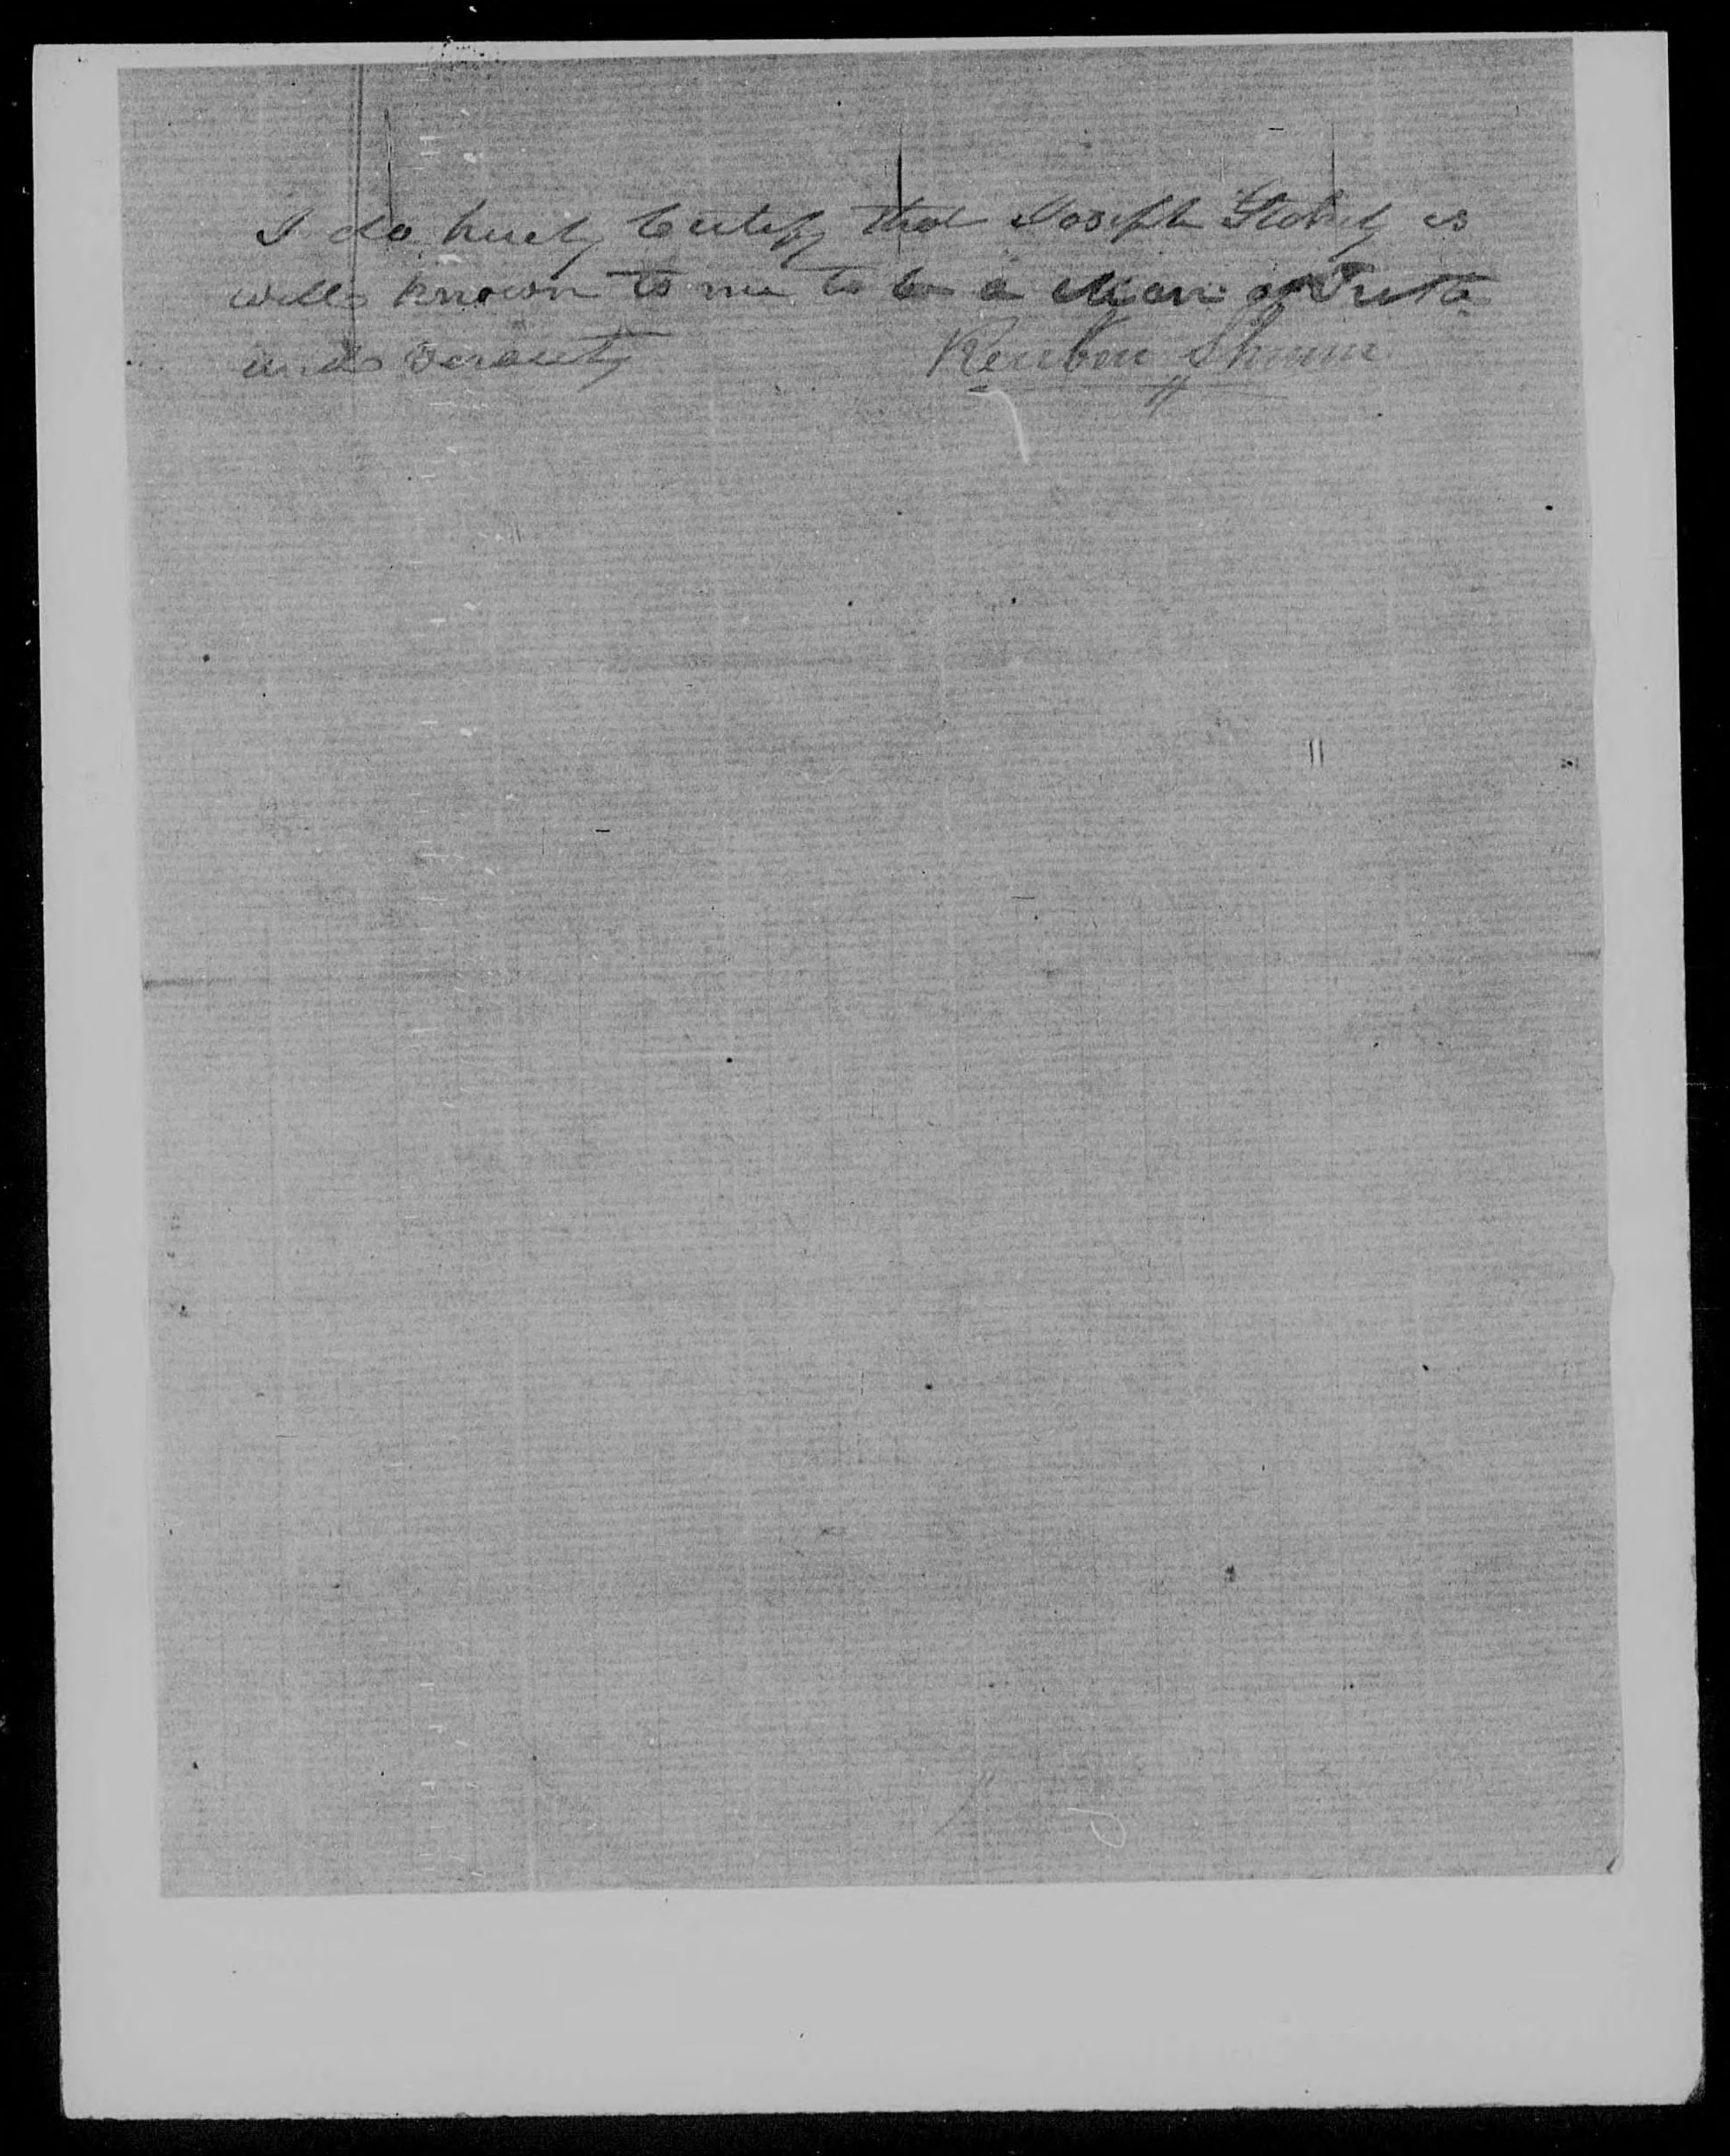I do hereby certify that Joseph Stokely is well known to me to be a [illegible] and veracity.
Reuben Shrum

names: Joseph Stokely, Reuben Shrum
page: 63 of 92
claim: widow's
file: W 1173, Robert Hamill, Penn.